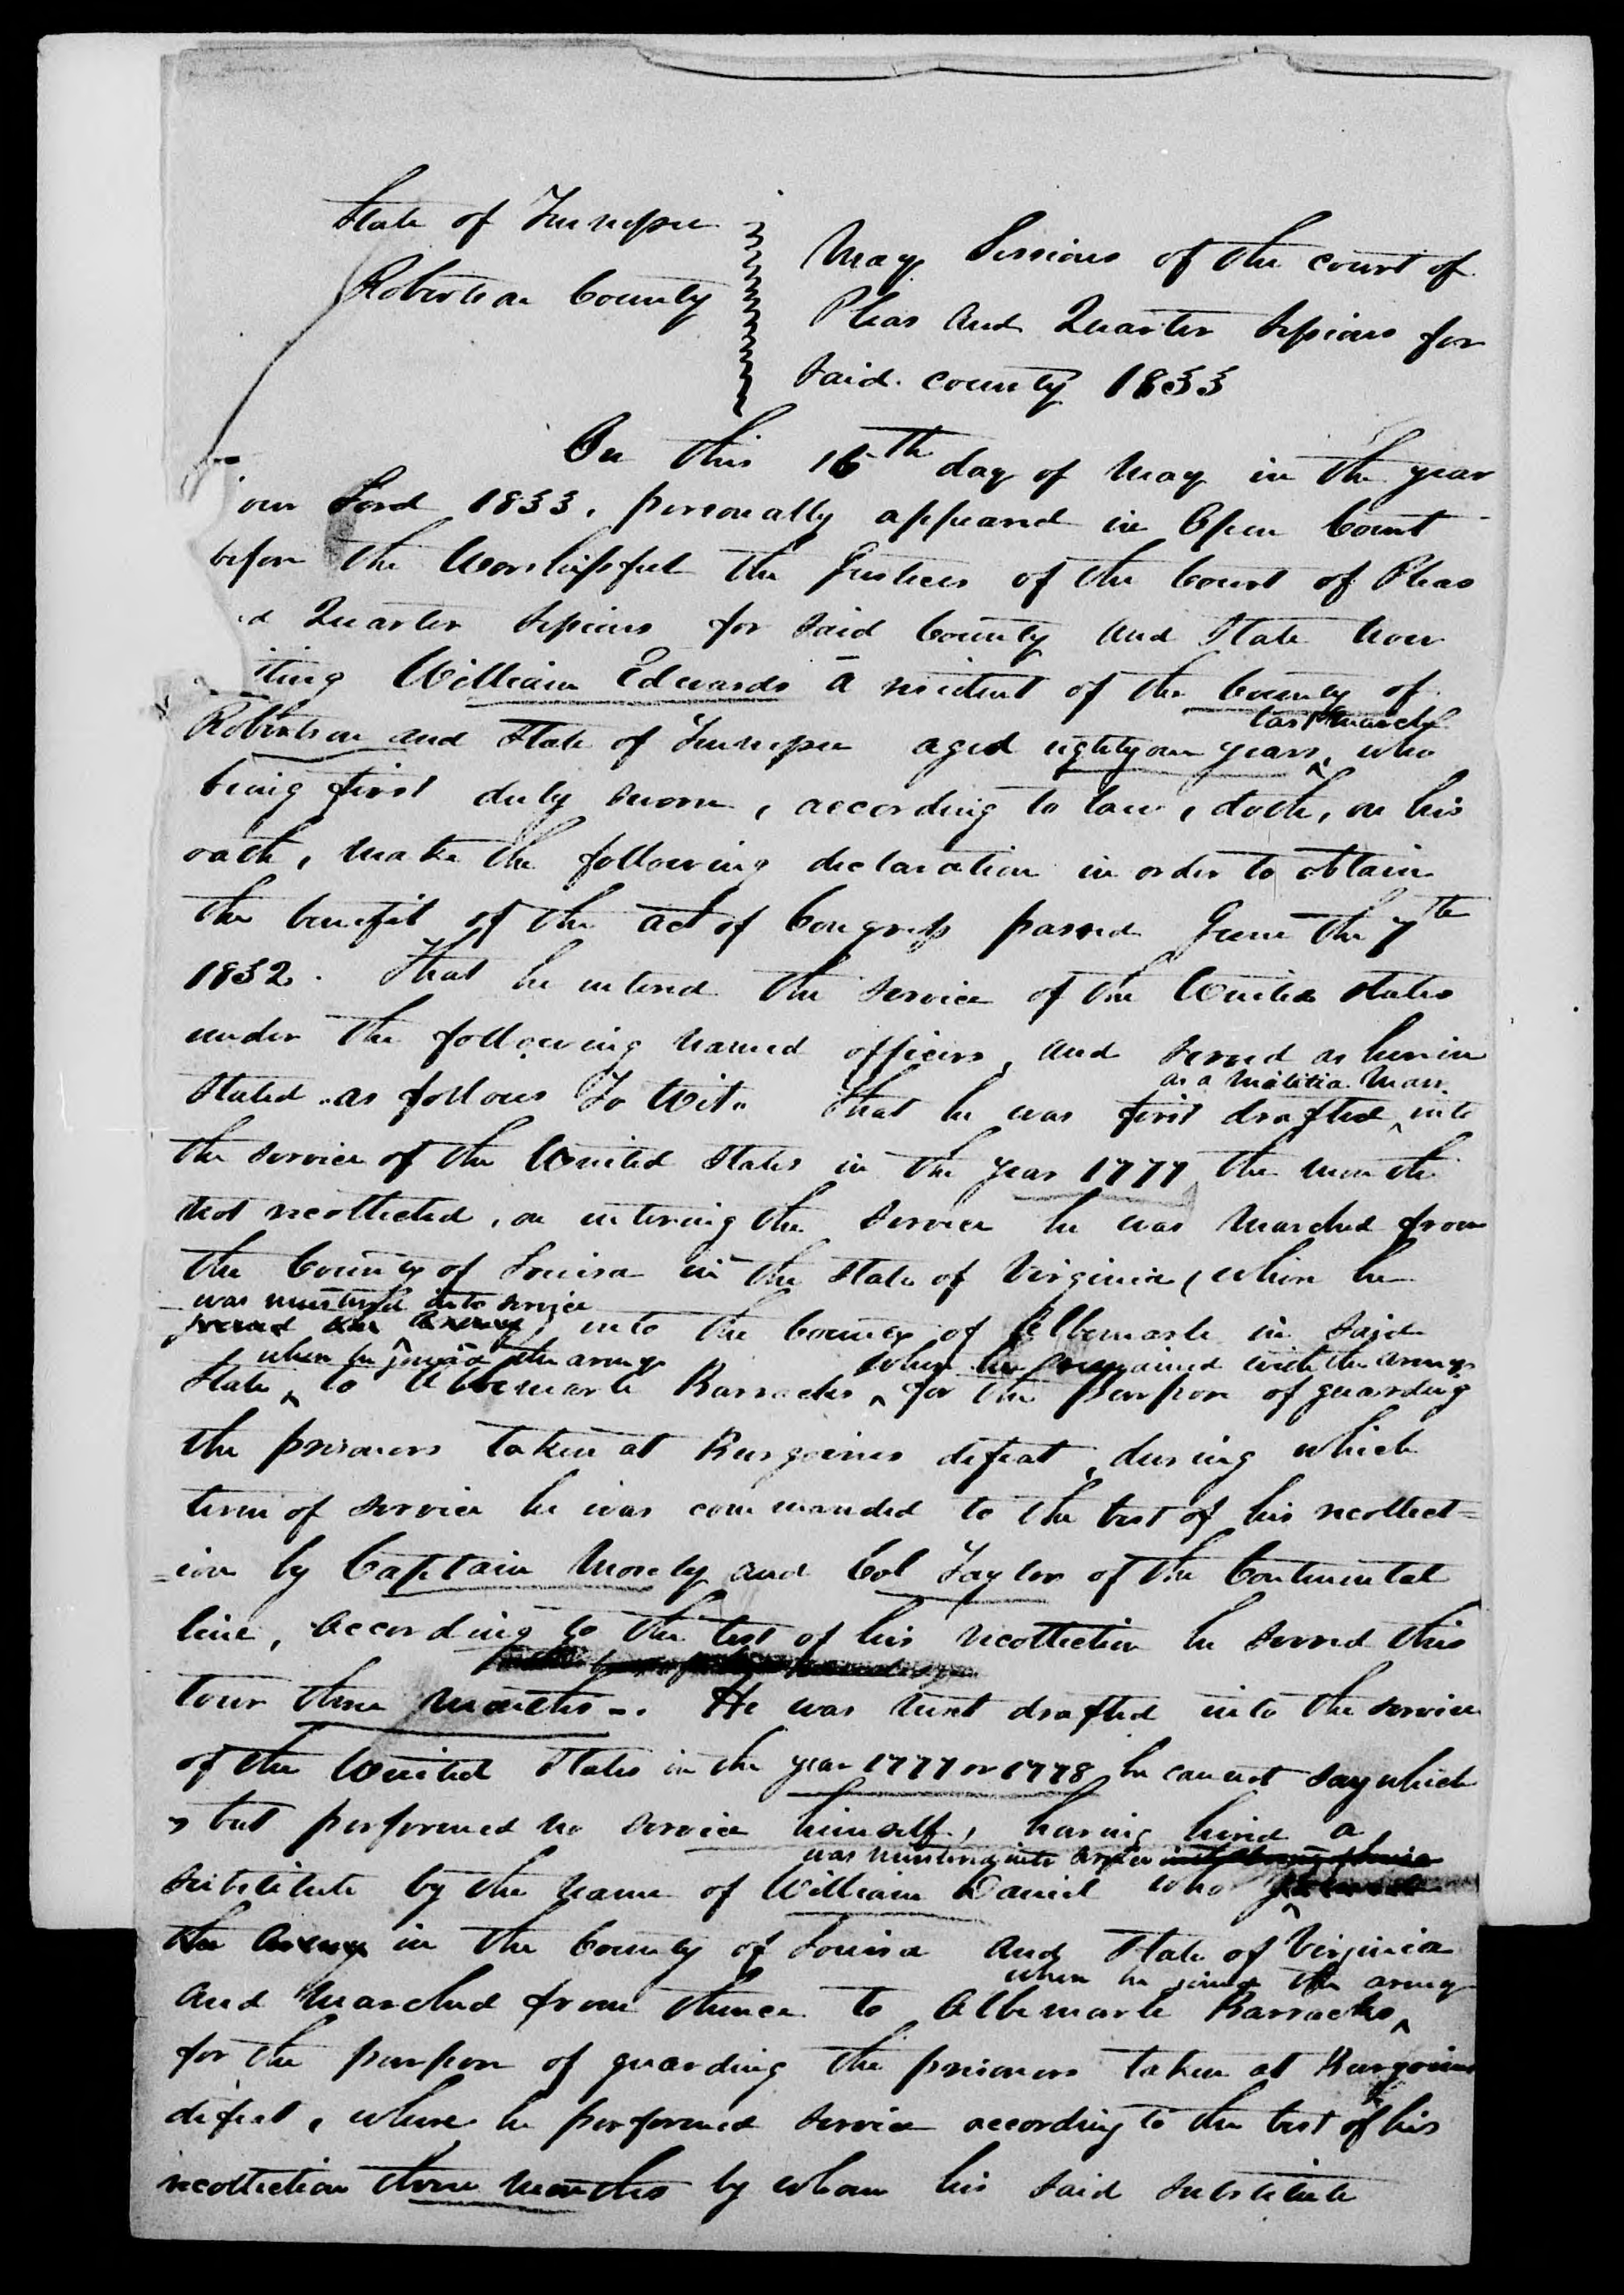State of Tennessee} May Session of the court of
Robertson County} Pleas And Quarter Sessions for said county 1833
On this 16th day of May in the year of our Lord 1833, personally appeared in Open Court before the Worshipful the Justices of the Court of Pleas and Quarter Sessions for said County and State now sitting William Edwards a resident of the County of Robertson and State of Tennessee aged eighty one years, last March, who being first duly sworn, according to law, doth, on his oath, make the following declaration in order to obtain the benefit of the act of Congress passed June the 7th 1832. That he entered the service of the United States under the following named officers, and served as herein stated as follows To Wit" that he was first drafted as a Militia Man into the service of the United States in the year 1777 the month not recollected, on entering the service he was Marched from the County of Louisa in the state of Virginia (where he was mustered into service) into the County of Albemarle in said State where he joined the army to Albemarle Roanoke where he rejoined with the army, for the purpose of guarding the prisoners taken at Burgoines defeat during which term of service he was commanded to the best of his recollection by Captain Mosley and Col Taylor of the Continental line, according to the best of his recollection he served this tour three months -. He was next drafted into the service of the United States in the year 1777 or 1778 he cannot say which but performed no service himself, having hired a substitute by the name of William Daniel who was mustered into service in the County of Louisa and State of Virginia and marched from thence to Albemarle Barracks when he joined the army for the purpose of guarding the prisoners taken at Burgoines defeat, where he performed service according to the best of his recollection three months by whom his said substitute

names: Taylor, William Edwards, Mosely, William Daniel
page: 3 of 47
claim: survivor's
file: S. 3,322, William Edwards, Va.